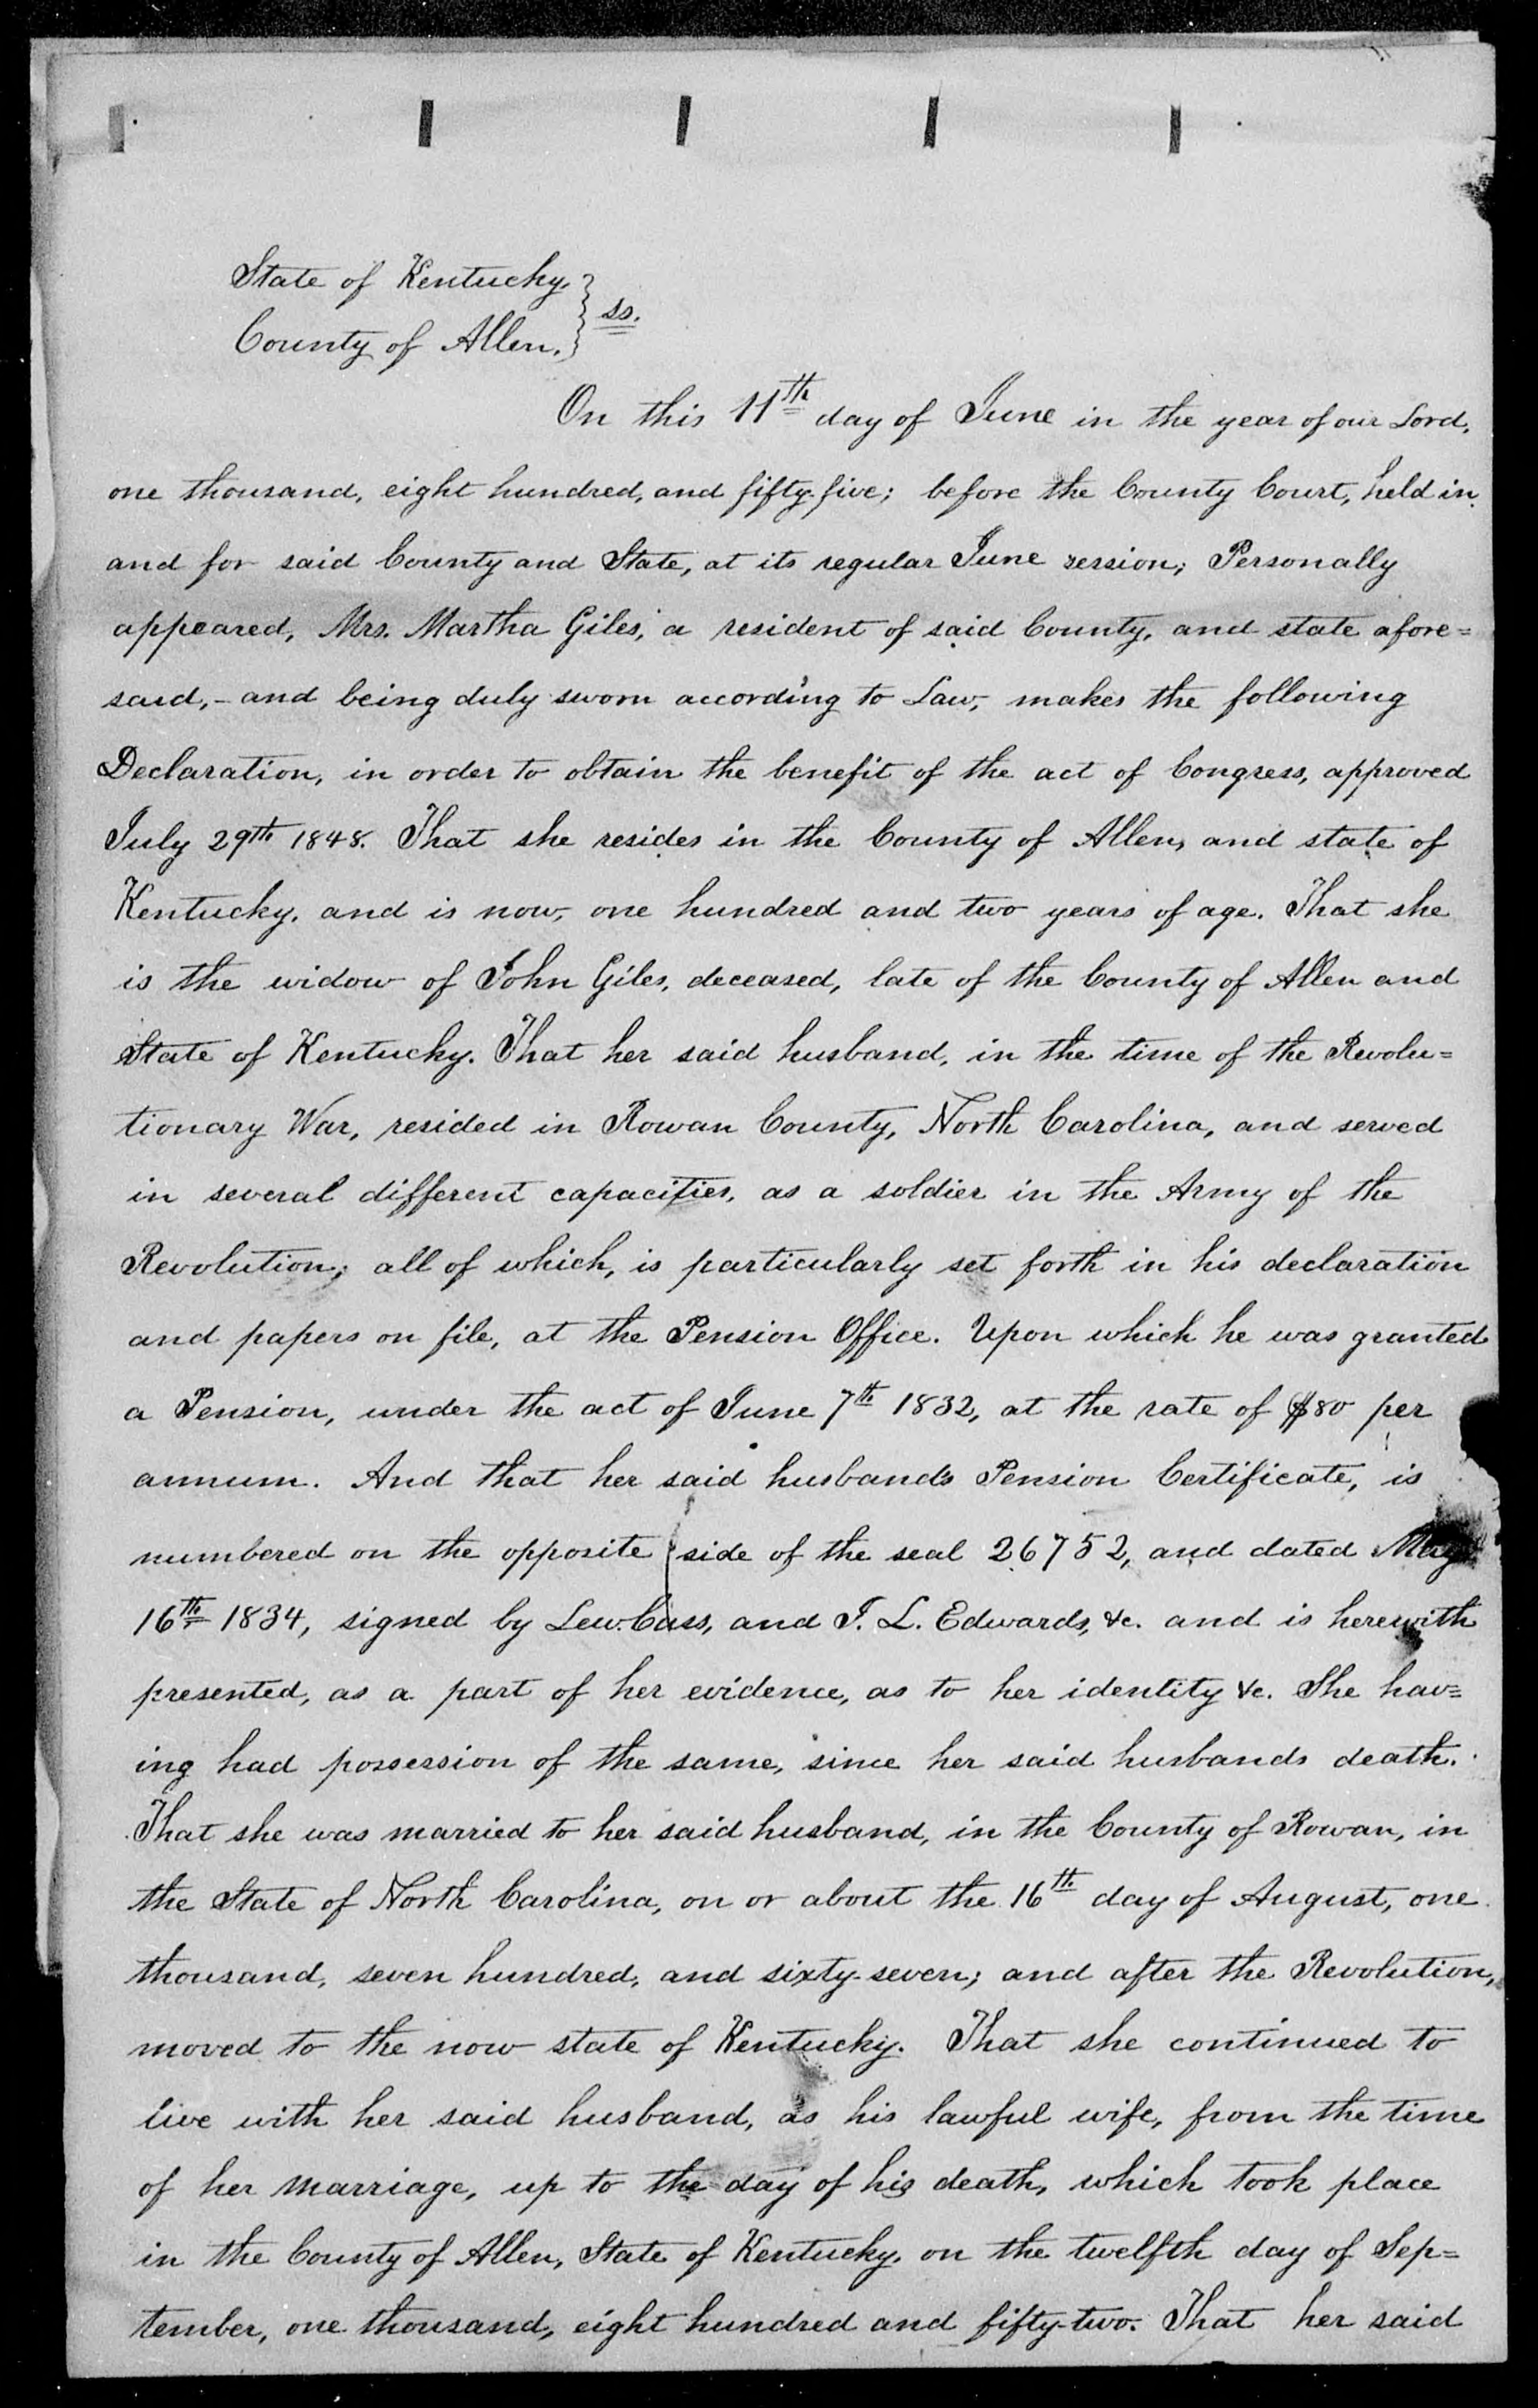State of Kentucky} Ss.
County of Allen }

On this 11th day of Jun in the year of our Lord, and thousand, eight hundred, and fifty-five; before the County Cout, held in and for said County and State, at its regular Jun session, personally appeared, Mrs. Martha Giles, a resident of said County, and State aforesaid, and being duly sworn according to law, makes the following declaration, in order to obtain the benefit of the act of Congress, approved July 29th 1848. That she resides in the County of Allen and State of Kentucky, and is now, one hundred and two years of age. That she is the widow of John Giles, deceased, late of the County of Allen and State of Kentucky. That her said husband, in the time of the Revolutionary War, resided in Rowan County, North Carolina, and served in several different capacities, as a soldier in the Army of the Revolution; all of which, is particularly set forth in his declaration and papers on file, at the Pension Office. Upon which he was granted a pension, under the act of Jun 7th 1832, at the rate of $80 per annum. And that her said husband's Pension Certificate, is numbered on the opposite side of the seal 26752, and dated May 16th 1834, signed by LewBuss, and J.L. Edwards, and is herewith presented as a part of her evidence, as to her identity. She having had possession of the same since her said husband's death. that she was married to her said husband, in the County of Rowan, in the State of North Carolina, on or about the 16th day of August, one thousand, seven hundred, and sixty-seven; and after the Revolution moved to the now state of Kentucky. That she continued to live with her said husband, as his lawful wife, from the time of her marriage, up to the day of his death, which took place in the County of Allen, State of Kentucky, on the twelfth day of September, one thousand, eight hundred and fifty-two. That here said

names: Lew Cass, Martha Giles, J L Edwards, John Giles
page: 20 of 82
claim: widow's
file: W. 7,522, John Giles, N.C.